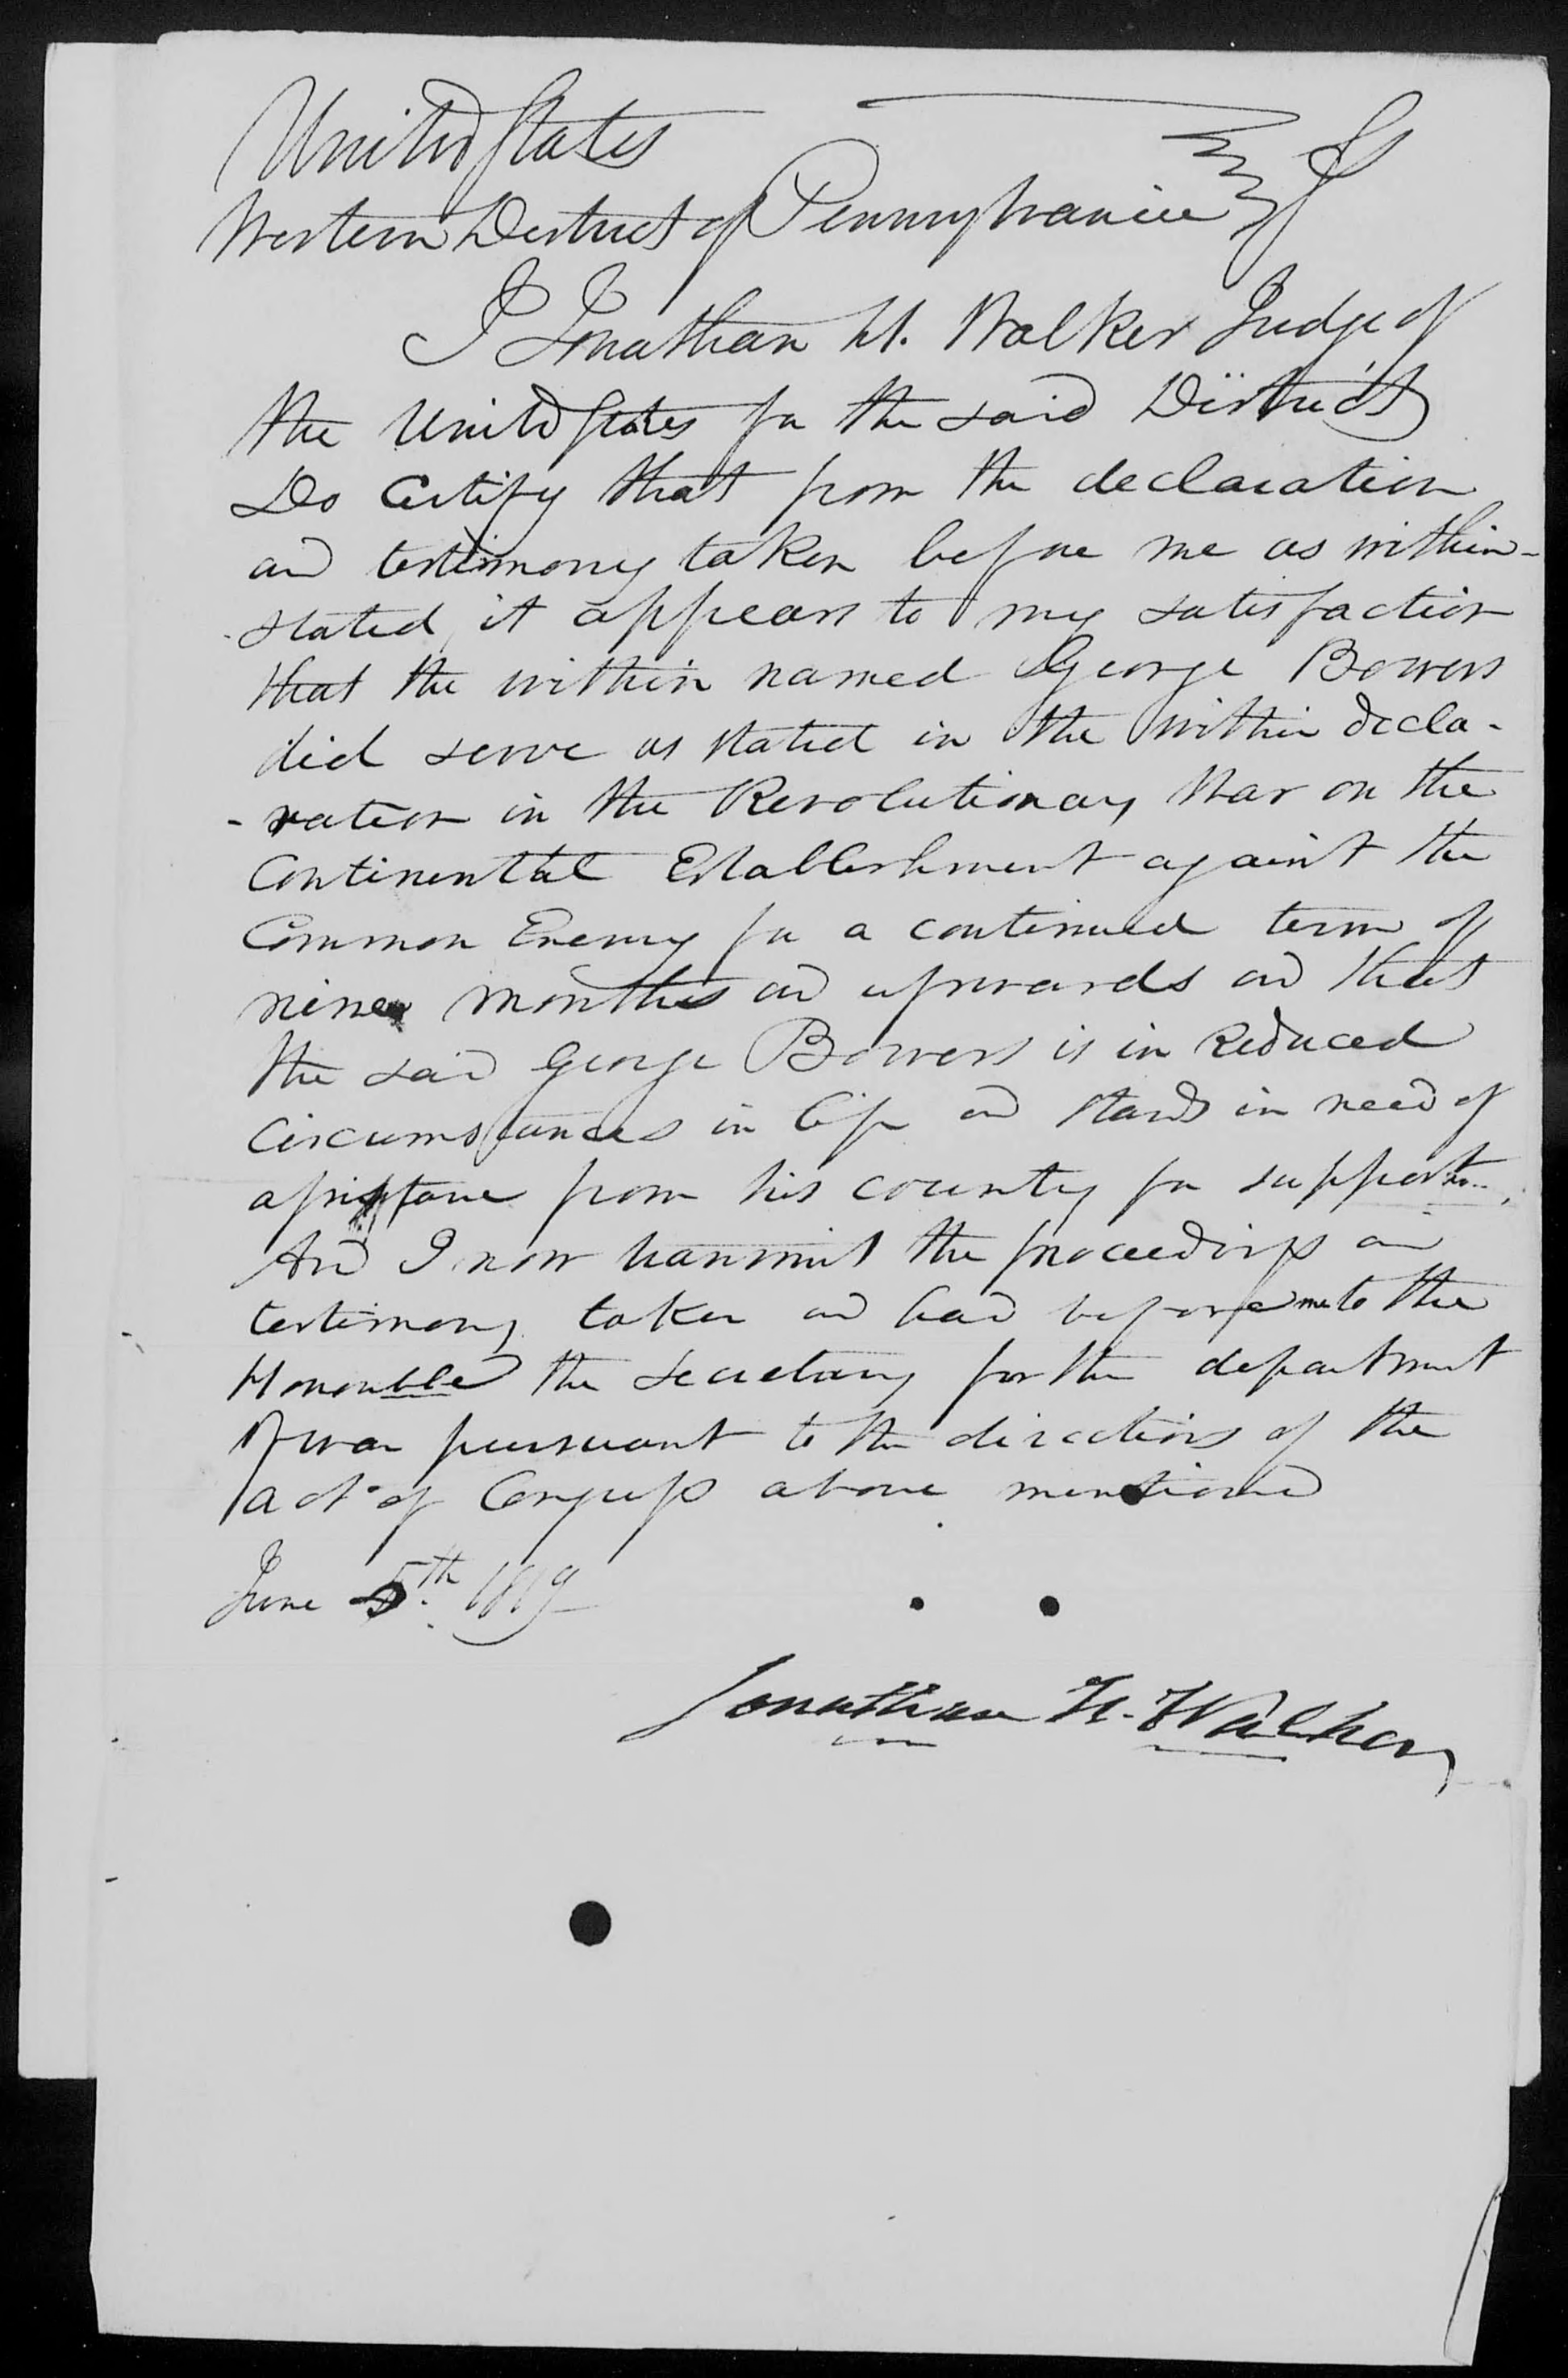[handwritten]
United States
Western District of Pennsylvania

I Jonathan H. Walker Judge of the United States for the said District Do certify that from the declaration and testimony taken before me as within stated it appears to my satisfaction that the within named George Bowers did serve as stated in the within declaration in the Revolutionary War on the Continental Establishment against the Common Enemy for a continued term of nine months and afterwards and that the Said George Bowers is in Reduced Circumstances  in life and stands in need of assistance from his country for support  And I now transmit the proceedings and testimony taken and had before me to the Honorable the Secretary for the department of war pursuant to the directions of the Act of Congress above mentioned. 

June 5th. 1819
Jonathan H Walker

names: George Bowers, Jonathan H Walker, George Bowers, Jonathan F Walker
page: 6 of 19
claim: survivor's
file: S. 40,018, George Bowers, Md